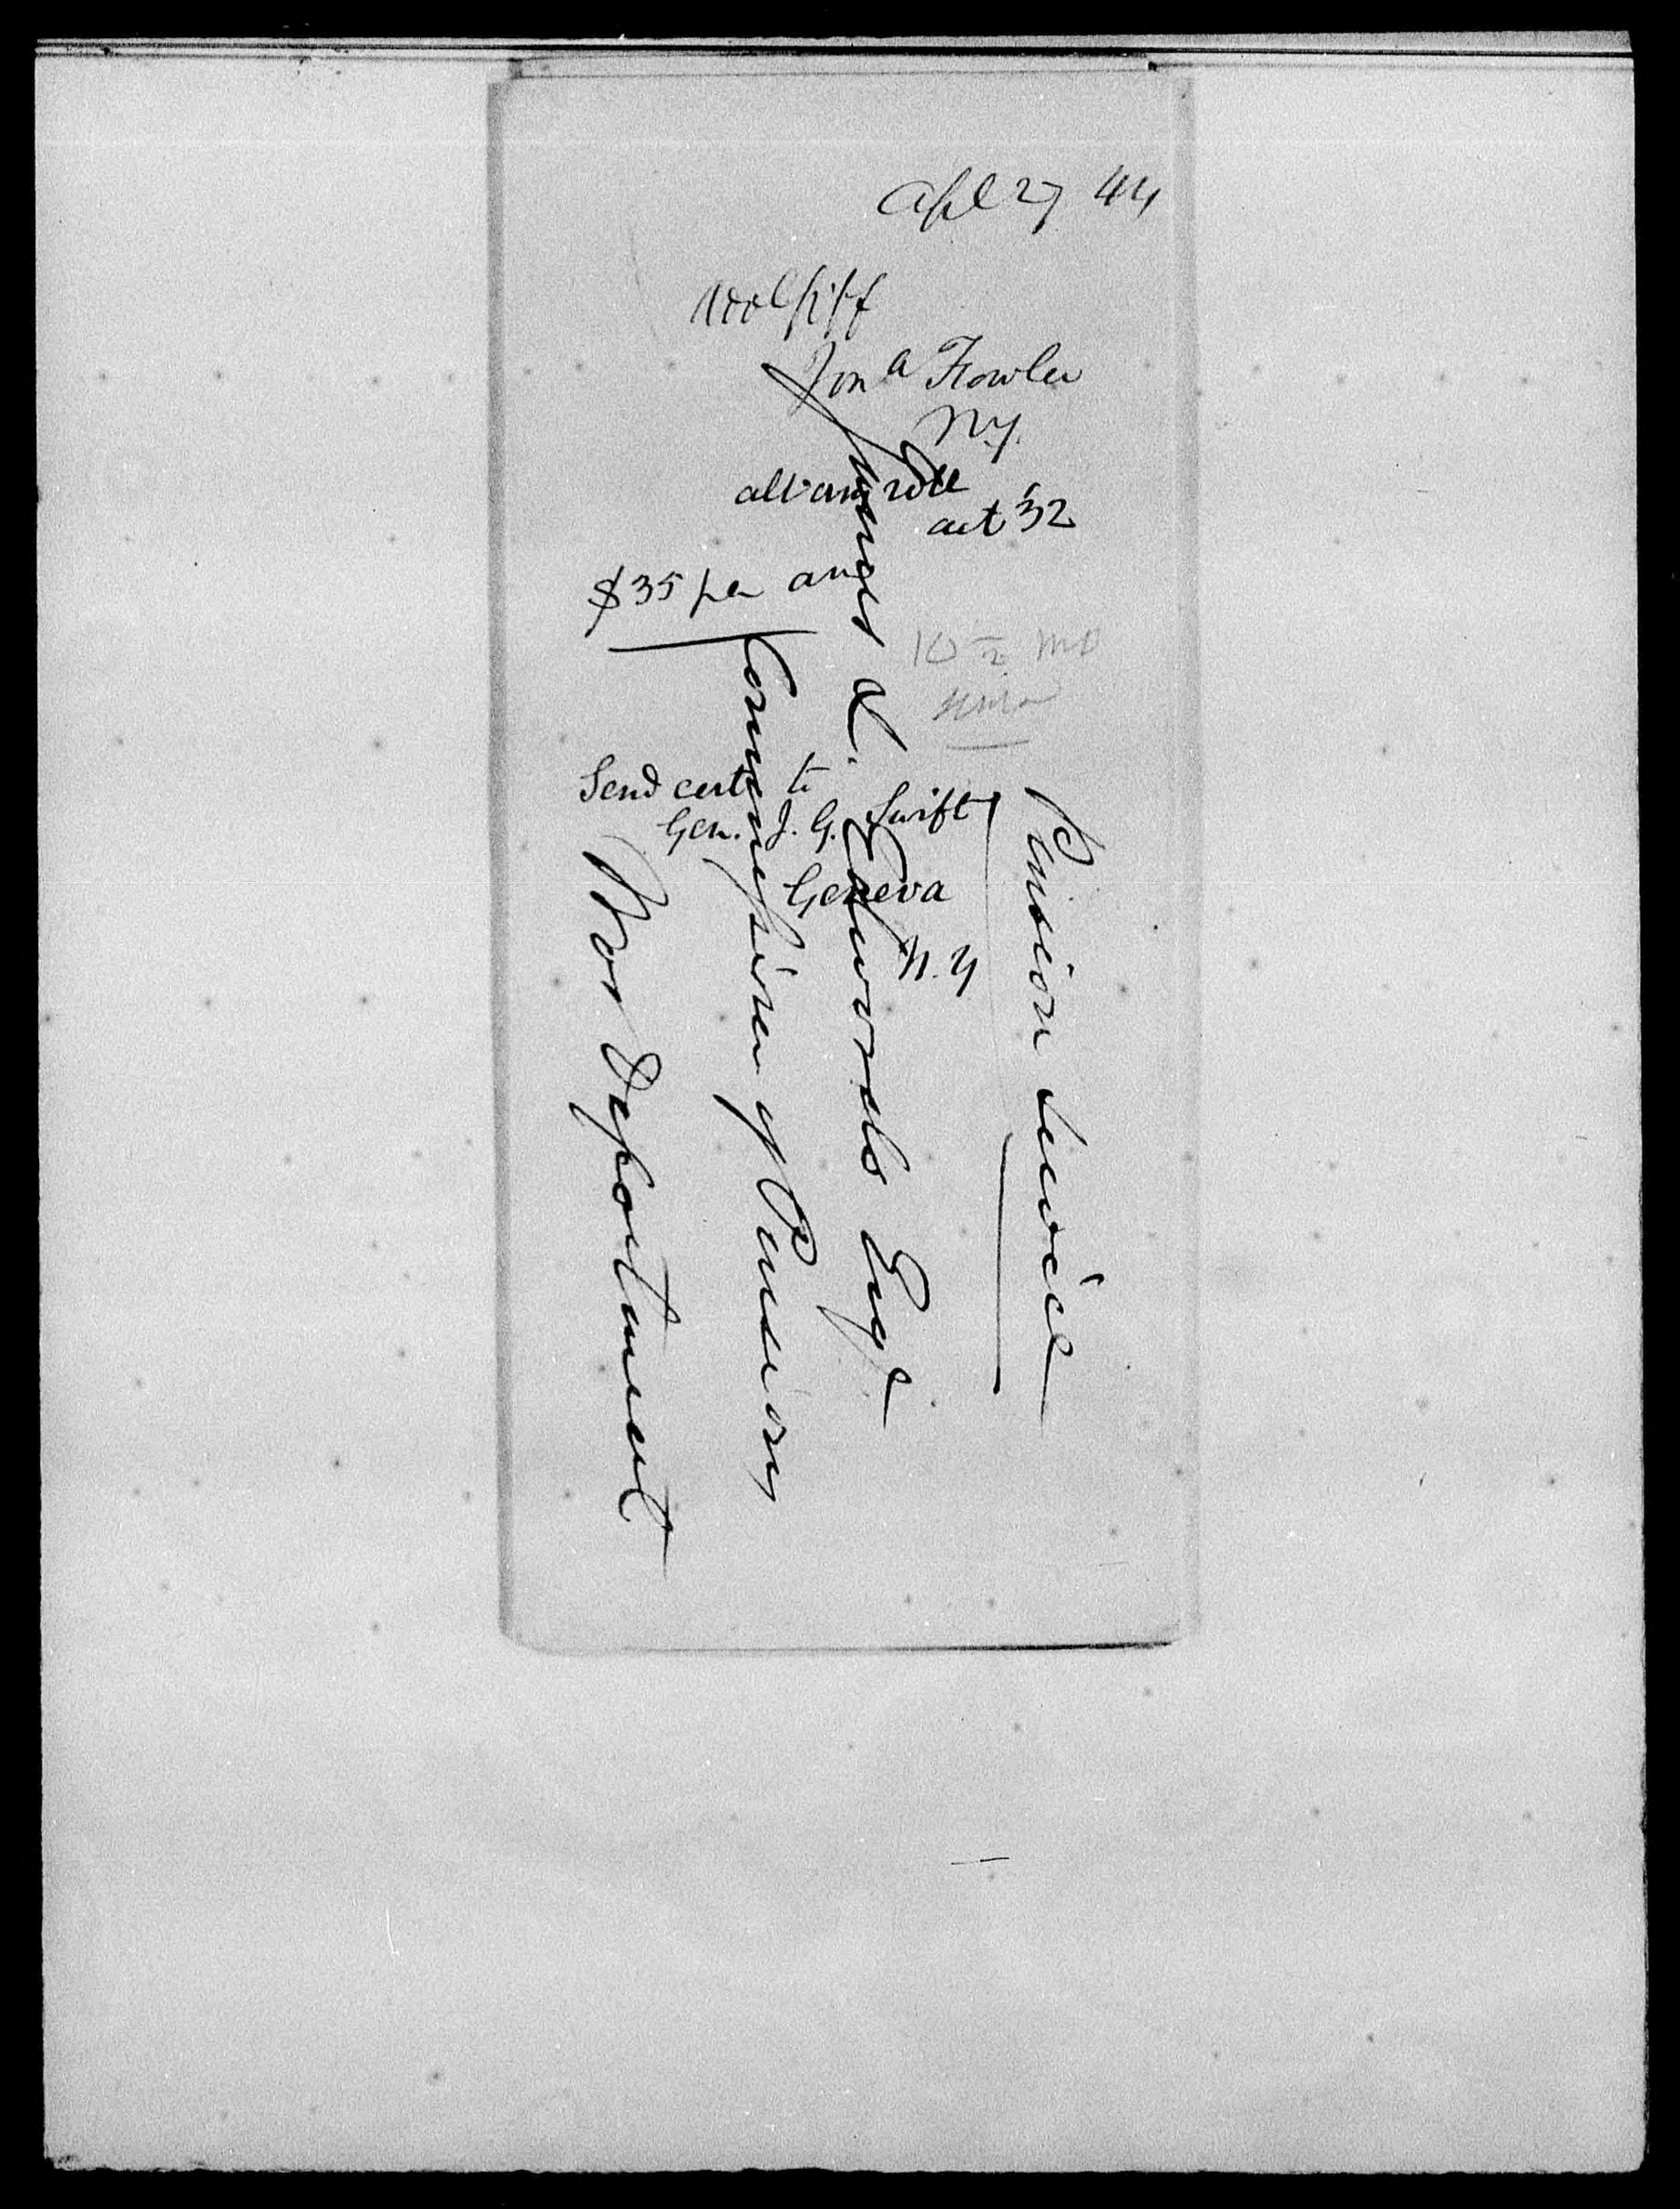Apl 27 44
[illegible]
Jona. Fowler
N.Y.
Allowance Act '32
$35 per ann
Send cert to Gen. J.G. Swift
Geneva N.Y.

Pension service
James L. Edwards
Commissioner of Pensions
War Department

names: James L Edwards, Jona Fowler, J G Swift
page: 37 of 44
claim: survivor's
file: S. 23639, Jonathan Fowler, New York